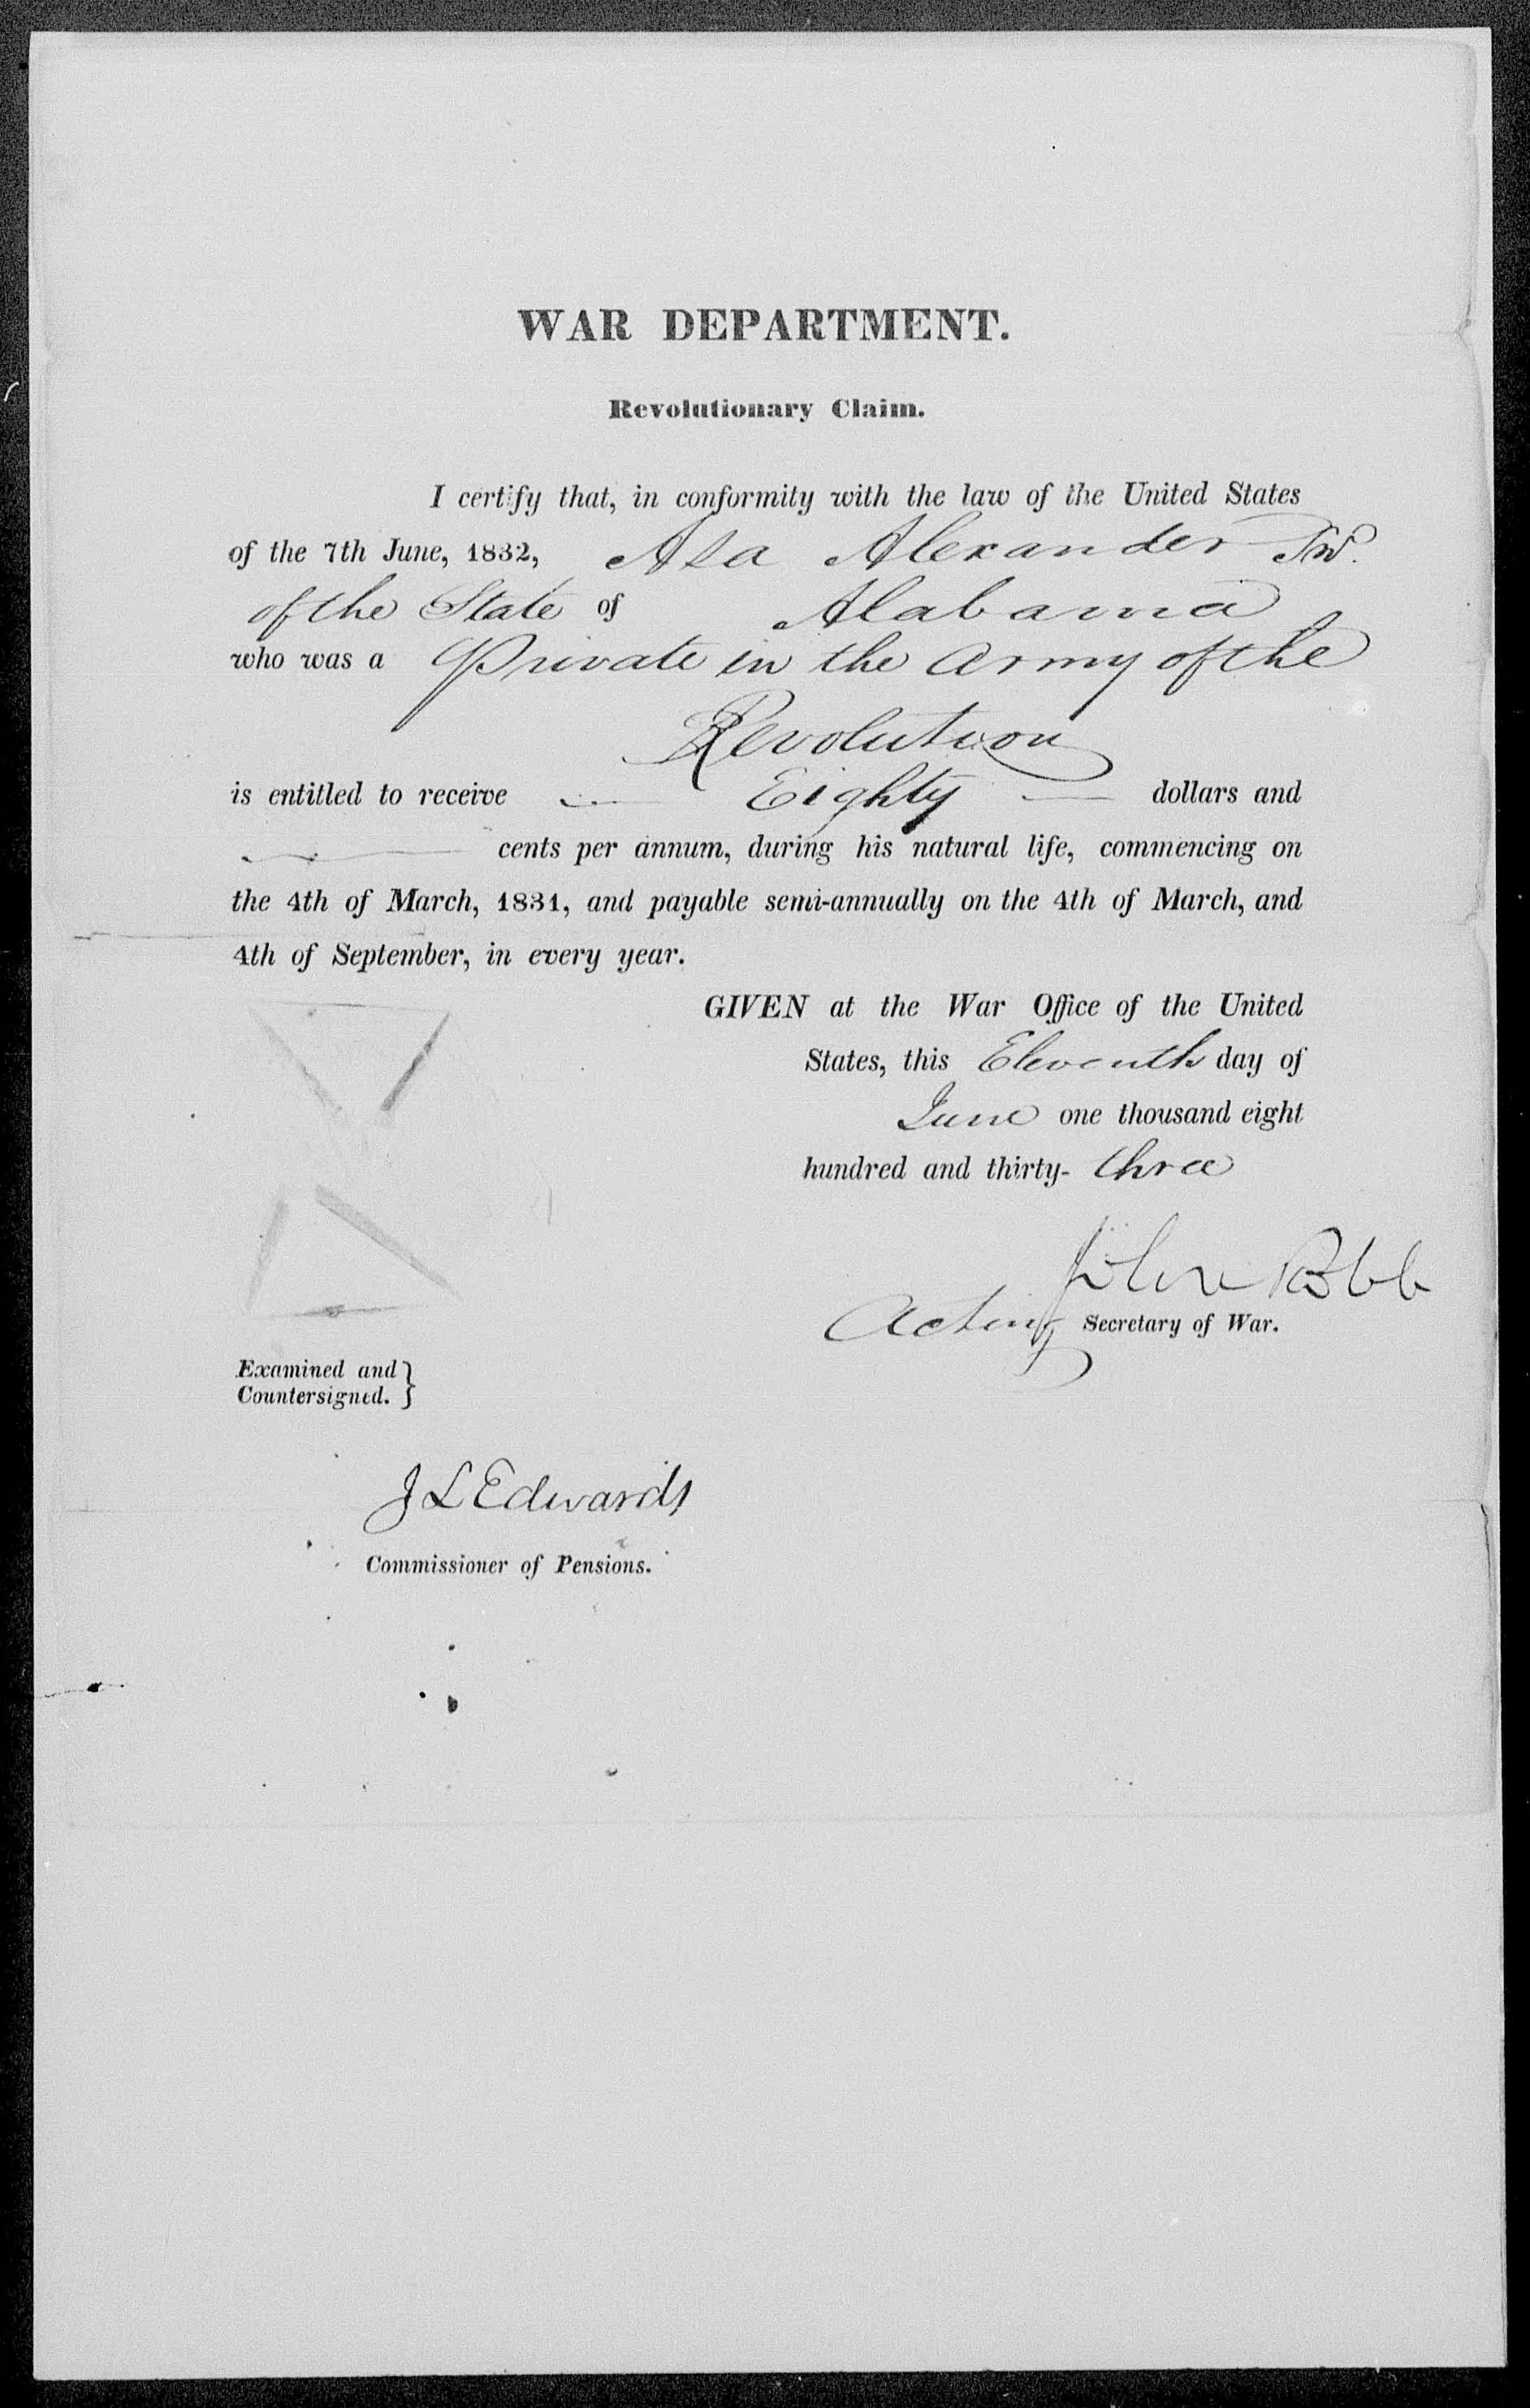War Department
Revolutionary Claim
I certify that, in conformity with the law of the United States of the 7th of June, 1832 Asa Alexander Snr of the State of Alabama who was private in the Army of the Revolution is entitles to receive Eighty dollars and cents annum, during his natural life, commencing on the 4th of March 1831, and payable semi-annually on the 4th of March, and 4th of September, in every year.
Given at the War Office of the United States, this Eleventh day of June one thousand eight hunged and thirty three
John Robb Acting Secretary of War.
Emamined and Counter signed. JL Edwards Commissioner of Pensions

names: John Robb, J L Edwards, Asa Alexander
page: 15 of 35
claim: survivor's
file: S. 32092, Asa Alexander, Ga.